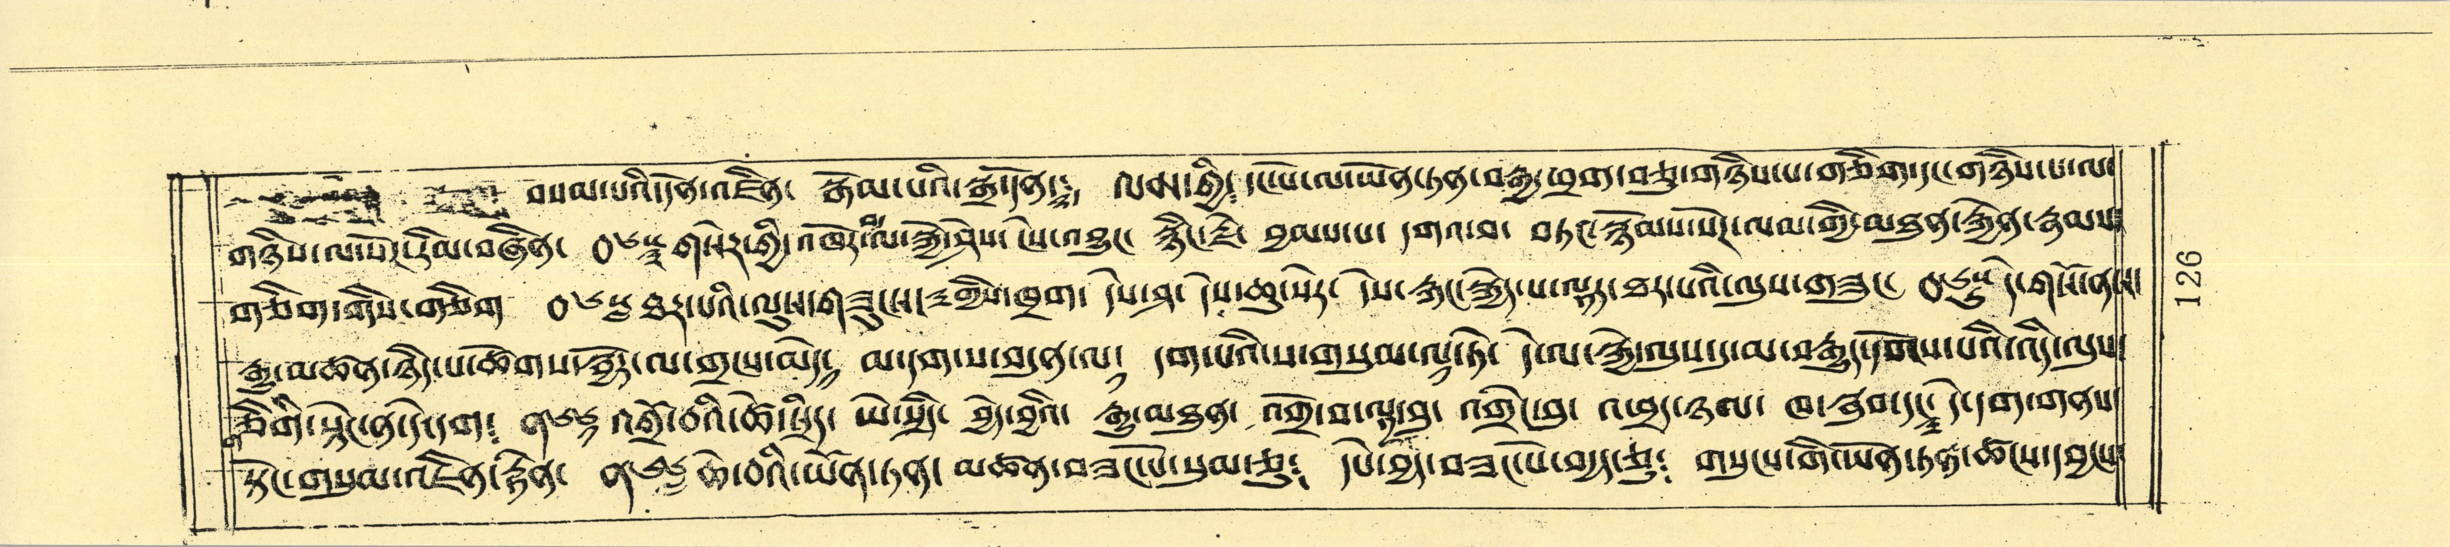བསམ་པས་དོན་འཛིན། སྒོམ་པས་སྒྲ་དོན་གཉིས་ཀ་འཛིན།༼ལམ་གྱི༽དང་པོ་ལ་ཡོན་ཏན་བརྒྱ་ཕྲག་བཅུ་གཉིས་པ་གཅིག་དང་
གཉིས་ལ་སོགས་ལ་རིམ་བཞིན་ བ༦༥།༣༼གསེར་གྱི༽འཁོར་བ་ལ་སྐྱོ་ཤས་ངེས་འབྱུང་། སྙིང་རྗེ་ བྱམས་པ་ དགའ་བ་ བཏང་སྙོམས་སོགས་ལམ་གྱི་མཐུན་རྐྱེན་རྣམས་
གཅིག་གིས་གཅིག་ལ་ བ༦༥།༤༼ཐར་པའི་ལུས་གཟུངས༽གྱིས་ཁྲག་ དེས་ཤ་ དེས་ཆུ་སེར་དེས་རྐང་སྐྱེད་པ་ལྟར་ཐར་པའི་ལུས་གཟུངས་ བ༦༥།༦༼དེ་གསོ་ན༽
རྒྱུ་མཚན་ཉིད་པ་ཚོགས་སྦྱོར་ལ་གྲངས་མེད་༡ མ་དག་ས་བདུན་ལ་༡ དག་པའི་ས་གསུམ་ལ་༡ དེ་ལ་སྐྱེ་དུ་མ་བརྒྱུད་དགོངས་པའི་འདི་ལུས་
གཅིག་གི་སྟེང་ན་དེ་དག་ ན༦༦།༡༼འགྲོ་བའི་ཚེ་སྲིད༽ཡེ་སྲིད་ བྱེད་བྱས་ རྒྱུ་མཐུན་ འགྲོ་བ་ལྟ་བུ་ འགྲེང་བུ་ འཕྲད་ཉལ་ ཁ་སྦུབས་དང་དེ་དག་གནས་
སྟོང་གསུམ་འཇིག་རྟེན་ ན་༦༦།༤༼ཆེ་བའི་ཡོན་ཏན༽ མཚན་བཟང་པོ་སུམ་ཅུ༑ དཔེ་བྱད་བཟང་པོ་བརྒྱུད་ཅུ༑ གསུང་གི་ཡོན་ཏན་ཚངས་དབྱངས་